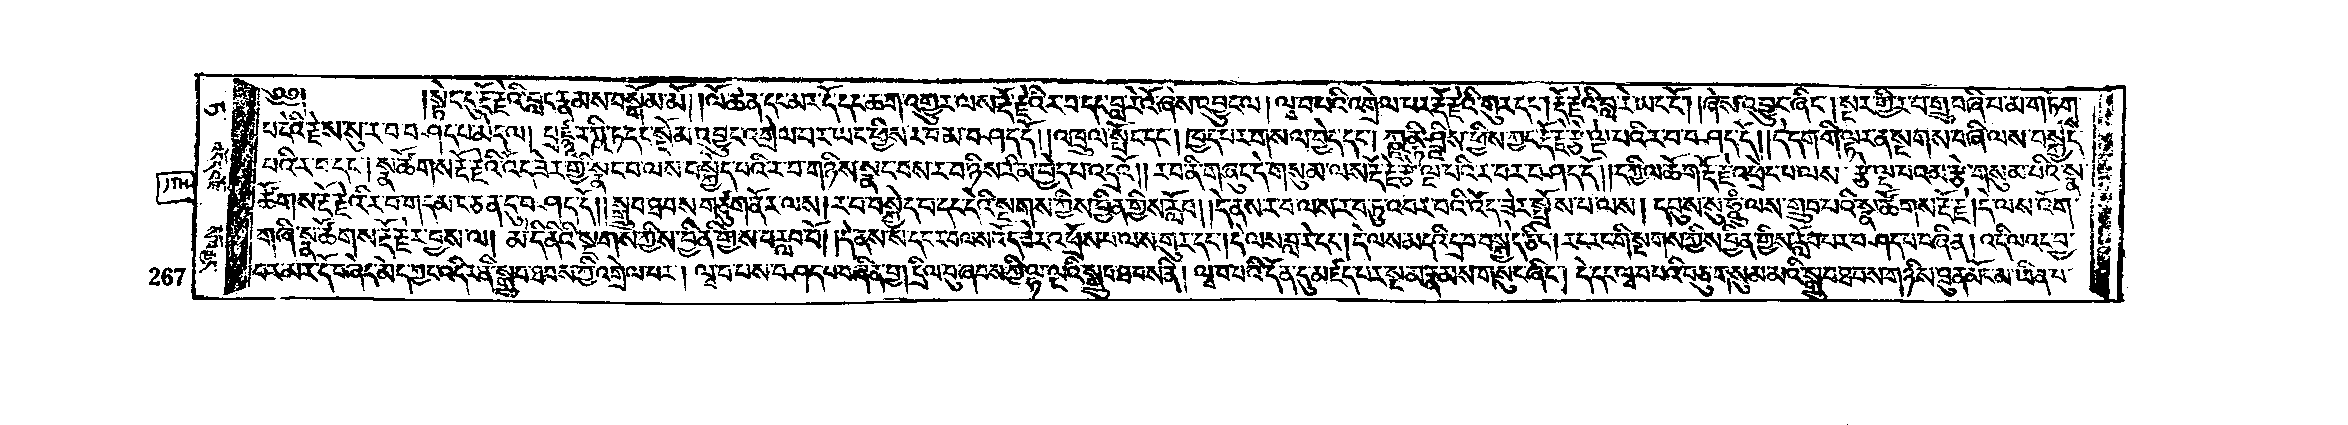༄༅། །སྟེང་དུ་རྡོ་རྗེའི་བླ་རེ་རྣམས་བསྒོམ་མོ། །ལོ་ཆེན་དང་མར་དོ་དང་ཆག་འགྱུར་ལས་རྡོ་རྗེའི་ར་བ་དང་བླ་རེ་འོ་ཞེས་འབྱུང་ལ། ལྭ་བ་པའི་འགྲེལ་པར་རྡོ་རྗེའི་གུར་དང་། རྡོ་རྗེའི་བླ་རེ་ཡང་ངོ། །ཞེས་འབྱུང་ཞིང་། སྔར་གྱི་ར་བ་གྲུ་བཞི་པ་མ་གཏོགས་
པ་དེའི་རྗེས་སུ་ར་བ་བཤད་པ་མེད་ལ། པྲཛྙཱ་རཀྵི་ཏ་དང་སྡོམ་འབྱུང་འགྲེལ་པར་ཡང་ཕྱིས་ར་བ་མ་བཤད་དོ། །འཁྲུལ་སྤོང་དང་། ཁྱད་པར་གསལ་བྱེད་དང་། ཀྵཱནྟི་ཤྲཱིས་ཕྱིས་ཀྱང་རྡོ་རྗེ་རྩེ་ལྔ་པའི་ར་བ་བཤད་དོ། །དེ་དག་གི་ལྟར་ན་སྔགས་བཞི་ལས་བསྐྱེད་
པའི་ར་བ་དང་། སྣ་ཚོགས་རྡོ་རྗེའི་འོད་ཟེར་གྱི་སྣང་བ་ལས་བསྐྱེད་པའི་ར་བ་གཉིས་སྣང་བས་ར་བ་ཉིས་རིམ་བྱེད་པ་འདྲའོ། །ར་བ་ནི་གཞུང་དེ་གསུམ་པས་རྡོ་རྗེ་རྩེ་ལྔ་པའི་ར་བར་བཤད་དོ། །དཀྱིལ་ཆོག་རྡོ་རྗེ་འཕྲེང་བ་ལས། རྩེ་ལྔ་པའམ་རྩེ་གསུམ་པའི་སྣ་
ཚོགས་རྡོ་རྗེའི་ར་བ་གདམ་ང་ཅན་དུ་བཤད་དོ། །སྒྲུབ་ཐབས་གཙུག་ནོར་ལས། ར་བ་བསྐྱེད་བ་དང་དེའི་སྔགས་ཀྱིས་བྱིན་གྱིས་རློབ། །དེ་ནས་ར་བ་ལས་རབ་ཏུ་འབར་བའི་འོད་ཟེར་སྤྲོས་པ་ལས། དབུས་སུ་ཧཱུཾ་ལས་གྲུབ་པའི་སྣ་ཚོགས་རྡོ་རྗེ། དེ་ལས་འོག་
གཞི་སྣ་ཚོགས་རྡོ་རྗེར་བྱས་ལ། མ་དི་ནིའི་སྔགས་ཀྱིས་བྱིན་གྱིས་བརླབ་བོ། །དེ་ནས་ས་དང་ར་བ་ལས་འོད་ཟེར་འཕྲོས་པ་ལས་གུར་དང་། དེ་ལས་བླ་རེ་དང་། དེ་ལས་མདའི་དྲ་བ་བསྐྱེད་ཅིང་། རང་རང་གི་སྔགས་ཀྱིས་བྱིན་གྱིས་རློབ་པར་བཤད་པ་བཞིན། འདི་ལའང་བྱ་
བར་མར་དོ་བཞེད་མེད་ཀྱང་འདིར་ནི་སྒྲུབ་ཐབས་ཀྱི་འགྲེལ་པར། ལྭ་བ་པས་བཤད་པ་བཞིན་བྱ། དྲིལ་བུ་ཞབས་ཀྱི་ལྷ་ལྔའི་སྒྲུབ་ཐབས་ནི། ལྭ་བ་པའི་དོན་དུ་མཛད་པར་སྔ་མ་རྣམས་གསུང་ཞིང་། དེ་དང་ལྭ་བ་པའི་བཅུ་གསུམ་མའི་སྒྲུབ་ཐབས་གཉིས་ཐུན་མོང་མ་ཡིན་པ་